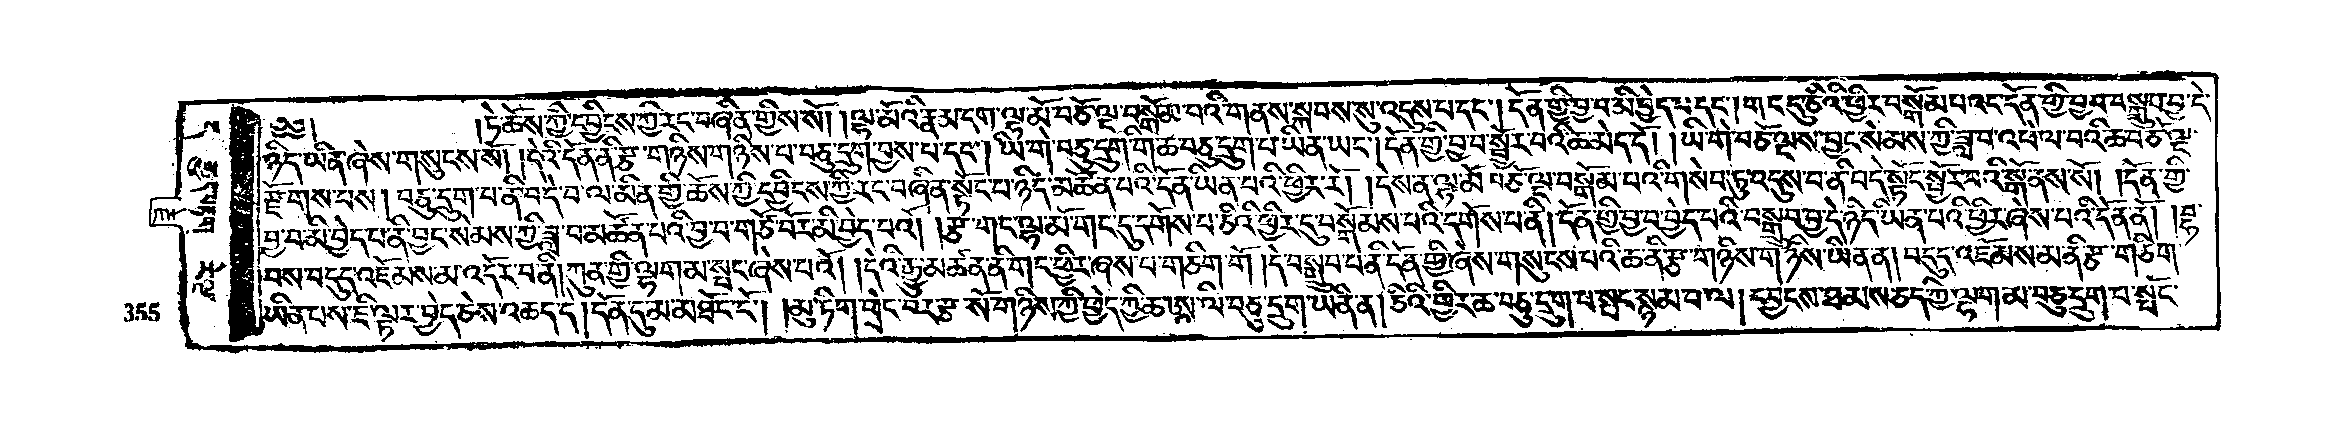༄༅། །ཏེ་ཆོས་ཀྱི་དབྱིངས་ཀྱི་རང་བཞིན་གྱིས་སོ། །ལྷ་མོའི་རྣམ་དག་ལྷ་མོ་བཅོ་ལྔ་བསྒོམ་པའི་གནས་སྐབས་སུ་འདུས་པ་དང་། དོན་གྱི་བྱ་བ་མི་བྱེད་པ་དང་། གང་དུ་ཅིའི་ཕྱིར་བསྒོམ་པའང་དོན་གྱི་བྱ་བ་བསྒྲུབ་བྱ་དེ་
ཉིད་ཡིན་ཞེས་གསུངས་སོ། །དེའི་དོན་ནི་རྩ་གཉིས་གཉིས་པ་བཅུ་དྲུག་བྱས་པ་དང་། ཡི་གེ་བཅུ་དྲུག་གི་ཆ་བཅུ་དྲུག་པ་ཡིན་ཡང་། དོན་གྱི་བྱ་བ་སྦྱོར་བའི་ཆ་མེད་དོ། །ཡི་གེ་བཅོ་ལྔས་བྱང་སེམས་ཀྱི་ཟླ་བ་འཕེལ་བའི་ཆ་བཅོ་ལྔ་
རྫོགས་པས། བཅུ་དྲུག་པ་ནི་བདེ་བ་ལ་མིན་གྱི་ཆོས་ཀྱི་དབྱིངས་ཀྱི་རང་བཞིན་སྟོང་པ་ཉིད་མཚོན་པའི་དོན་ཡིན་པའི་ཕྱིར་རོ། །དེས་ན་ལྷ་མོ་བཅོ་ལྔ་བསྒོམ་པའི་གསེབ་ཏུ་འདུས་པ་ནི་བདེ་སྟོང་སྦྱོར་བའི་སྒོ་ནས་སོ། །དོན་གྱི་
བྱ་བ་མི་བྱེད་པ་ནི་བྱང་སེམས་ཀྱི་ཟླ་བ་མཚོན་པའི་བྱ་བ་གཙོ་བོར་མི་བྱེད་པའོ། །རྩ་གང་ལྷ་མོ་གང་དུ་དགོས་པ་ཅིའི་ཕྱིར་དུ་བསྒོམས་པའི་དགོས་པ་ནི། དོན་གྱི་བྱ་བ་བྱེད་པའི་བསྒྲུབ་བྱ་དེ་ཉིད་ཡིན་པའི་ཕྱིར་ཞེས་པའི་དོན་ནོ། །བྷ་
བས་བདུད་འཇོམས་མ་འདོར་བ་ནི། ཀུན་གྱི་ལྷག་མ་སྤང་ཞེས་པའོ། །དེའི་རྒྱུ་མཚན་ནི་གང་ཕྱིར་ཞས་པ་གཅིག་གོ །དེ་བསྒྲུབ་པ་ནི་དོན་གྱི་ཞེས་གསུངས་པའི་ཆ་ནི་རྩ་གཉིས་གཉིས་ཡིན་ན། བདུད་འཇོམས་མ་ནི་རྩ་གཅིག་
ཡིན་པས་ཇི་ལྟར་བྱེད་ཅེས་འཆད་དེ། དོན་དུ་མ་མཐོང་ངོ། །མུ་ཏིག་ཕྲེང་བར་རྩ་སོ་གཉིས་ཀྱི་ཕྱེད་ཀྱི་ཆ་ཨཱ་ལི་བཅུ་དྲུག་ཡིན་ན། ཅིའི་ཕྱིར་ཆ་བཅུ་དྲུག་པ་སྤང་སྙམ་བ་ལ། དབྱངས་ཐམས་ཅད་ཀྱི་ལྷག་མ་བཅུ་དྲུག་པ་སྤོང་